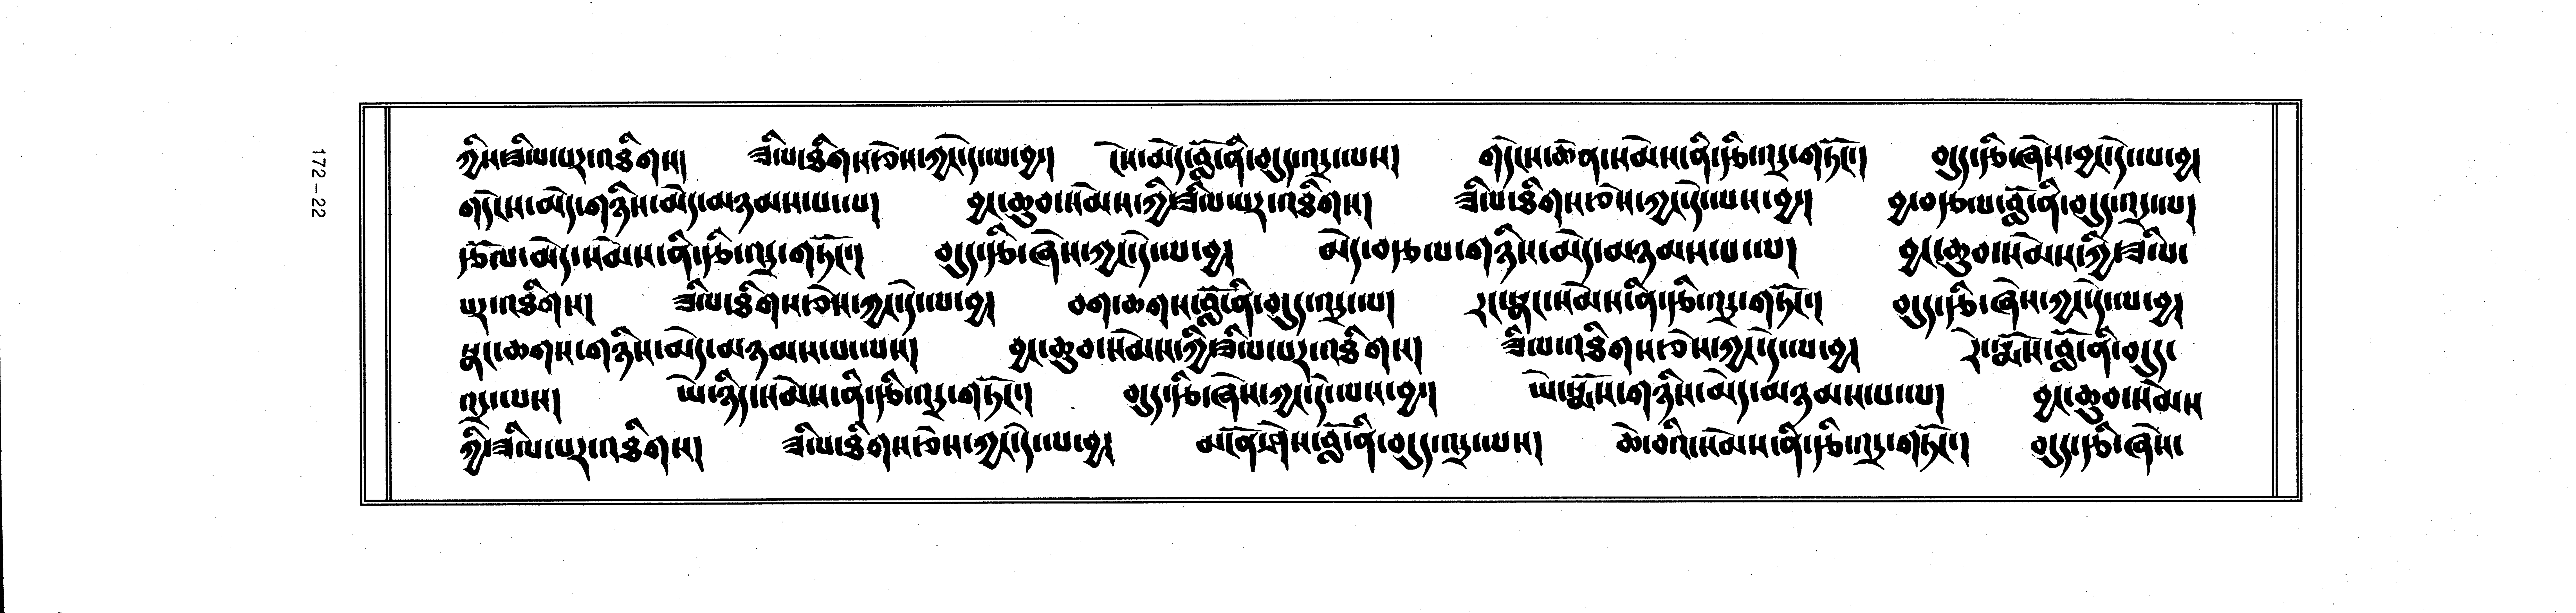ཀྱི་ཟིལ་པར་འཐིགས། ཟིལ་ཐིགས་ཅེས་ཀྱང་དེ་ལ་བྱ། ངེས་མེད་བློ་ནི་བདུད་འདྲ་ལ། གདེངས་ཆེན་སེམས་ནི་རྩི་འདྲ་གཏོང་། བདུད་རྩི་ཞེས་བྱང་དེ་ལ་བྱ། 
གདེངས་མེད་གཉིས་མེད་མཉམས་པ་ལས། བྱང་ཆུབ་སེམས་ཀྱི་ཟིལ་པར་འཐིགས། ཟིལ་ཐིགས་ཅེས་ཀྱང་དེ་ལ་བྱ། བྱ་བརྩལ་བློ་ནི་བདུད་འདྲ་ལ། 
རྩོལ་མེད་སེམས་ནི་རྩི་འདྲ་གཏོང་། བདུད་རྩི་ཞེས་ཀྱང་དེ་ལ་བྱ། མེད་བརྩལ་གཉིས་མེད་མཉམས་པ་ལས། བྱང་ཆུབ་སེམས་ཀྱི་ཟིལ་
པར་འཐིགས། ཟིལ་ཐིགས་ཅེས་ཀྱང་དེ་ལ་བྱ། བག་ཆགས་བློ་ནི་བདུད་འདྲ་ལ། རང་སྣང་སེམས་ནི་རྩི་འདྲ་གཏོང་། བདུད་རྩི་ཞེས་ཀྱང་དེ་ལ་བྱ། 
སྣང་ཆགས་གཉིས་མེད་མཉམས་པ་ལས། བྱང་ཆུབ་སེམས་ཀྱི་ཟིལ་པར་འཐིགས། ཟིལ་ཐིགས་ཅེས་ཀྱང་དེ་ལ་བྱ། རེ་སྨོས་བློ་ནི་བདུད་
འདྲ་ལ། ཡེ་ཉིད་སེམས་ནི་རྩི་འདྲ་གཏོང་། བདུད་རྩི་ཞེས་